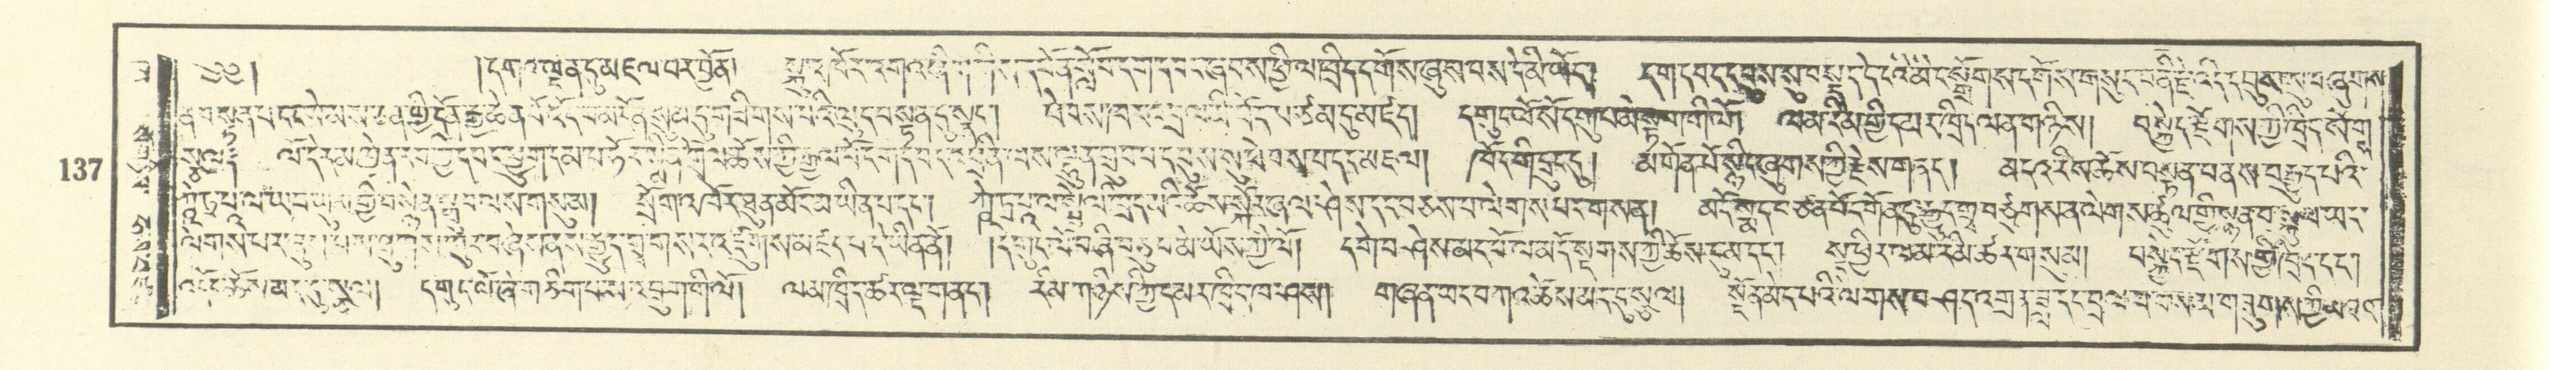༄༅། །དགའ་ལྡན་དུ་མཇལ་བར་བྱོན། སྐུ་འཁོར་འགའ་ཞིག་གིས་དཔོན་སློབ་ངག་དབང་ཞབས་ཕྱི་ལ་ཁྲིད་དགོས་ཞུས་པས་དེ་མི་ཡོད། ངག་དབང་དབུས་སུ་བསྡད་དེ་ངའི་མིང་སྒྲོགས་དགོས་གསུང་བ་ནི་རྗེ་འདི་དབུས་སུ་བཞུགས་
ན་བསྟན་པ་ངང་སེམས་ཅན་གྱི་དོན་རྒྱ་ཆེན་པོ་འོད་པ་མངོན་སུམ་དུ་གཟིགས་པའི་ལུང་བསྟན་དུ་སྣང་། ཕེབས་ཁར་འབྲལ་མི་ཕོང་པ་ཙམ་དུ་མཛད། དགུང་ལོ་སོ་དགུ་པ་མེ་སྟག་གི་ལོ། ལམ་རིམ་གྱི་དམར་ཁྲིད་ལན་གཉིས། བསྐྱེད་རྫོགས་ཀྱི་ཁྲིད་སོགས་
སྩལ༑ ལོ་དེར་མཁྱེན་རབ་ཀྱི་དབང་ཕྱུག་དམ་པ་ཧོར་སྨིན་གྲོལ་ཆོས་ཀྱི་རྒྱལ་བོ་ངག་དབང་འཕྲིན་ལས་ལྷུན་གྲུབ་བ་དབུས་སུ་ཕེབས་བ་དང་མཇལ། ཁོང་གི་དྲུང་དུ། མགོན་པོ་སྙིང་ཞུགས་ཀྱི་རྗེས་གནང་། མདའ་རིས་ཆོས་བསྟན་པ་ནས་བརྒྱུད་པའི་
ཀྵེ་ཏྲ་པཱ་ལ་ཡབ་ཡུམ་གྱི་བསྙེན་སྒྲུབ་ལས་གསུམ། སྲོག་འཁྲོ་ཐུན་མོང་མ་ཡིན་པ་དང་། ཀྵེ་ཏྲ་པཱ་ལ་སྤྲེལ་ཁྲིད་མའི་ཆོས་སྐོར་ཞལ་ཤེས་དང་བཅས་པ་ལེགས་པར་གསན། མདོ་སྨད་བཙན་པོ་དགོན་དུ་རྒྱུད་གྲྭ་བཙུགས་ན་ལེགས་ཚུལ་གྱི་སྙན་བསྐུལ་ཡང་
ལེགས་པར་ཞུས་པས་ཐུགས་ཁུར་བཞེས་ནས་རྒྱུད་གྲྭ་གསར་འཛུགས་མཛད་པ་དེ་ཡིན་ནོ། །དགུང་ལོ་བཞི་བཅུ་པ་མེ་ཡོས་ཀྱི་ལོ། དགེ་བཤེས་མང་པོ་ལ་མདོ་སྔགས་ཀྱི་ཆོས་དུམ་དང་། སྔ་ཕྱིར་ལམ་རིམ་ཚར་གསུམ། བསྐྱེད་རྫོགས་ཀྱི་ཁྲིད་དང་།
འདོད་ཆོས་མང་དུ་སྩལ། དགུང་ལོ་ཞེ་གཅིག་པས་འབྲུག་གི་ལོ། ལམ་ཁྲིད་ཚར་ལྔ་གནང་། རིམ་གཉིས་ཀྱི་དམར་ཁྲིད་ཁ་ཤས། གཞན་ཡང་བཀའ་ཆོས་མང་དུ་སྩལ། སྔོན་མེད་པའི་ལེགས་བཤད་འགྲན་ཟླ་དང་བྲལ་བ་བསམ་གཟུགས་ཀྱི་མཐའ་